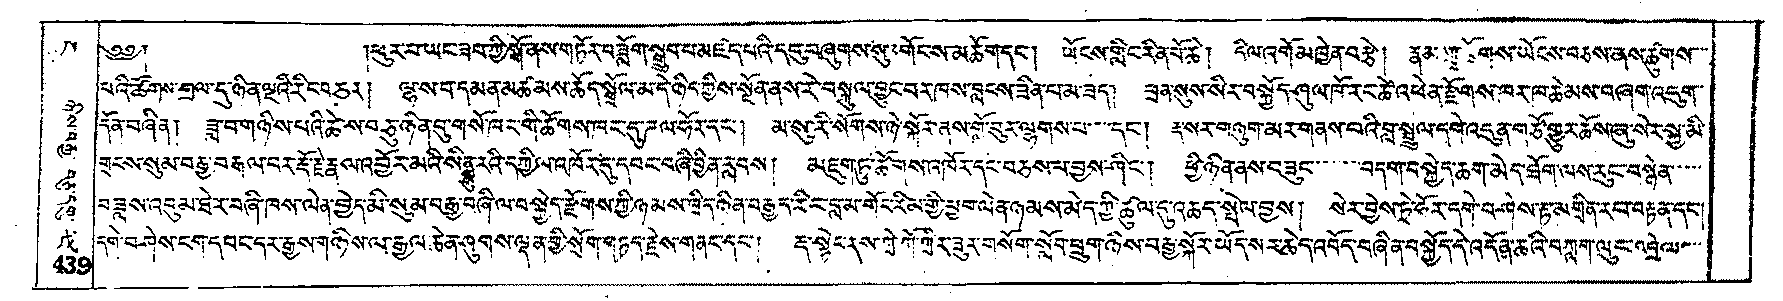༄༅། །ཕུར་པ་ཡང་ཟབ་ཀྱི་སྒོ་ནས་གཏོར་བཟློག་སྒྲུབ་པ་མཛད་པའི་དབུ་བཞུགས་སུ་༧གོང་ས་མཆོག་དང་། ཡོངས་གླིང་རིན་པོ་ཆེ། དིལ་འགོ་མཁྱེན་བརྩེ། རྣམ་གྲྭ་ཚོགས་ཡོངས་བཅས་ནས་ཚུགས་
པའི་ཚོགས་གྲལ་དུ་ཉིན་ལྔའི་རིང་བཅར། ལྷ་ས་བ་དམན་མཚམས་ཆོད་སྒྲོལ་མ་དེ་ཉིད་ཀྱིས་སྔོན་ནས་རེ་བསྐུལ་བྱུང་བར་ཁས་བླངས་ཟིན་པ་མ་ཟད། ཕྲན་སུས་སིར་བསྐྱོད་ཤུལ་ཁོ་རང་ཚེ་འཕེན་རྫོགས་ཁར་ཁ་ཆེམས་བཞག་འདུག་
དོན་བཞིན། ཟླ་བ་གཉིས་པའི་ཚེས་བཅུ་ཉིན་བུ་གསོ་ཁང་གི་ཚོགས་ཁང་དུ་ཌལ་ཧོར་དང་། མ་སུ་རི་སོགས་ཉེ་སྐོར་ནས་གློ་བུར་ལྷགས་པ་དང་། རྡ་སར་གཉུག་མར་གནས་པའི་བླ་སྤྲུལ་དགེ་འདུན་གཙོ་གྱུར་ཆོས་ཞུ་སེར་སྐྱ་མི་
གྲངས་སུམ་བརྒྱ་བརྒལ་བར་རྡོ་རྗེ་རྣལ་འབྱོར་མའི་སིནྡྷུ་རའི་དཀྱིལ་འཁོར་དུ་དབང་བཞི་བྱིན་རླབས། མཇུག་ཏུ་ཚོགས་འཁོར་དང་བཅས་པ་བྱས་ཤིང་། ཕྱི་ཉིན་ནས་བཟུང་བདག་བསྐྱེད་ཆག་མེད་ཐོག་ལས་རུང་བསྙེན་
བཟླས་འབུམ་ཐེར་བཞི་ཁས་ལེན་བྱེད་མི་སུམ་བརྒྱ་བཞི་ལ་བསྐྱེད་རྫོགས་ཀྱི་ཉམས་ཁྲིད་ཉིན་བརྒྱད་རིང་བླ་མ་གོང་རིམ་གྱི་ཕྱག་ལེན་ཉམས་མེད་ཀྱི་ཚུལ་དུ་འཆད་སྤེལ་བྱས། སེར་བྱེས་ཏྲེ་ཧོར་དགེ་བཤེས་རྟ་མགྲིན་རབ་བརྟེན་དང་།
དགེ་བཤེས་ངག་དབང་དར་རྒྱས་གཉིས་ལ་རྒྱལ་ཆེན་ཤུགས་ལྡན་གྱི་སྲོག་གཏད་རྗེས་གནང་དང་། རྡ་སྟེང་རས་ཀྲེ་ཀོ་ཀྲིར་ཟུར་གསོག་སློབ་ཕྲུག་ཉིས་བརྒྱ་སྐོར་ཡོད་སར་ཆེད་འབོད་བཞིན་བསྐྱོད་དེ་འདོན་ཆའི་བཀླག་ལུང་འབྲེལ་